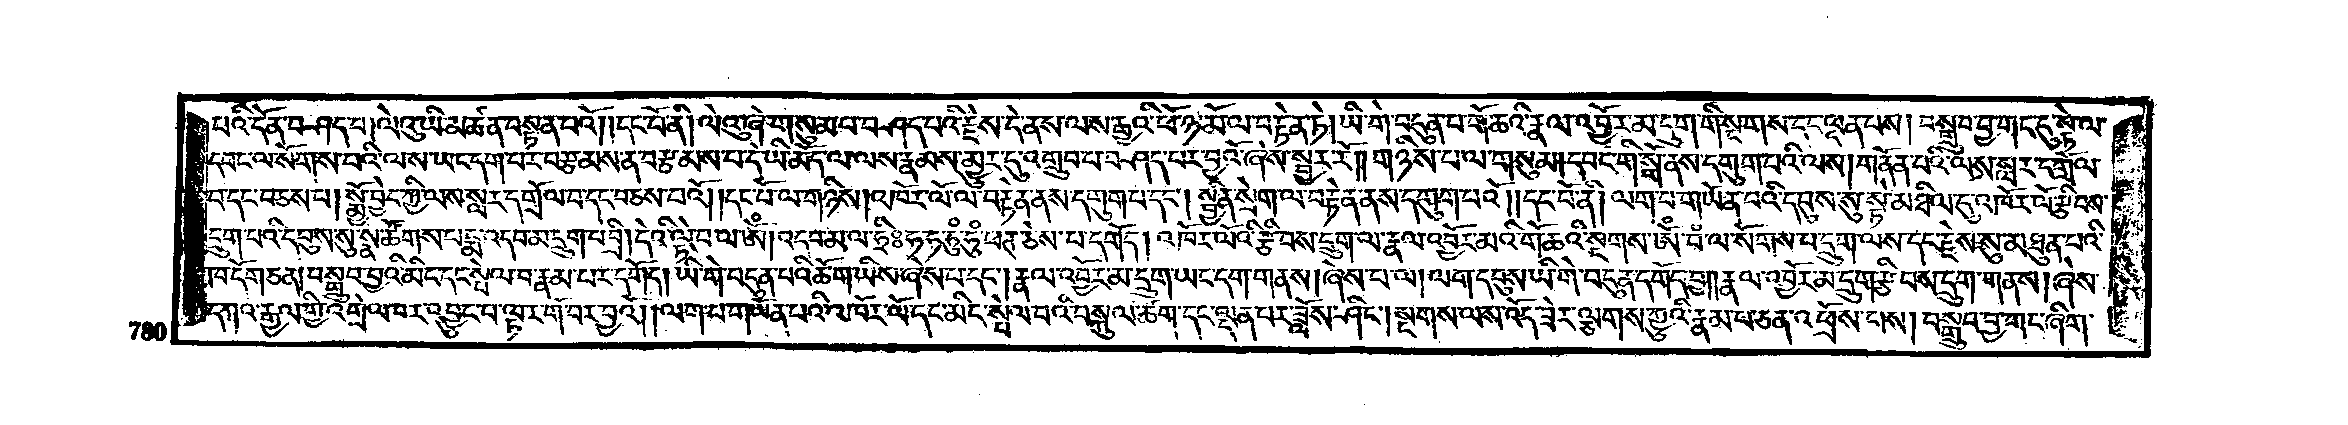པའི་དོན་བཤད་པ། ལེའུ་ཡི་མཚན་བསྟན་པའོ། །དང་པོ་ནི། ལེའུ་ཞེ་གསུམ་པ་བཤད་པའི་རྗེས་དེ་ནས་ལས་རྒྱའི་ཕོ་ཉ་མོ་ལ་བརྟེན་ཏེ། ཡི་གེ་བདུན་པ་གོ་ཆའི་རྣལ་འབྱོར་མ་དྲུག་གི་སྔགས་དང་ལྡན་པས། བསྒྲུབ་བྱ་གང་དུ་སྟེ་ལ་
དབང་ལ་སོགས་པའི་ལས་ཡང་དག་པར་བརྩམས་ན་བརྩམས་པ་དེ་ཡི་མོད་ལ་ལས་རྣམས་མྱུར་དུ་འགྲུབ་པ་བཤད་པར་བྱའོ་ཞེས་སྦྱར་རོ། །གཉིས་པ་ལ་གསུམ། དབང་གི་སྒོ་ནས་དགུག་པའི་ལས། གནོན་པའི་ལས་སླར་དགྲོལ་
བ་དང་བཅས་པ། སྨྱོ་བྱེད་ཀྱི་ལས་སླར་དགྲོལ་བ་དང་བཅས་པའོ། །དང་པོ་ལ་གཉིས། འཁོར་ལོ་ལ་བརྟེན་ནས་དགུག་པ་དང་། སྦྱིན་སྲེག་ལ་བརྟེན་ནས་དགུག་པའོ། །དང་པོ་ནི། ལག་པ་གཡོན་པའི་དབུས་སུ་སྟེ་མཐིལ་དུ་འཁོར་ལོ་རྩིབས་
དྲུག་པའི་དབུས་སུ་སྣ་ཚོགས་པདམ་འདབ་མ་དྲུག་པ་བྲི། དེའི་ལྟེ་བ་ལ་ཨོཾ། འདབ་མ་ལ་ཧྲིཿ ཧ་ཧ་ཧུཾ་ཧུཾ་ཕཊ་ཅེས་པ་དགོད། འཁོར་ལོའི་རྩིབས་དྲུག་ལ་རྣལ་འབྱོར་མའི་གོ་ཆའི་སྔགས་ཨོཾ་པཾ་ལ་སོགས་པ་དྲུག་ལས་དང་རྗེས་སུ་མཐུན་པའི་
ཁ་དོག་ཅན། བསྒྲུབ་བྱའི་མིང་དང་སྤེལ་བ་རྣམ་པར་དགོད། ཡི་གེ་བདུན་པའི་ཆོ་ག་ཡིས་ཞེས་པ་དང་། རྣལ་འབྱོར་མ་དྲུག་ཡང་དག་གནས། ཞེས་པ་ལ། ལག་དབུས་ཡི་གེ་བདུན་དགོས་བྱ། །རྣལ་འབྱོར་མ་དྲུག་རྩིབས་དྲུག་གནས། ཞེས་
དཀའ་རྒྱལ་གྱི་འགྲེལ་པར་འབྱུང་བ་ལྟར་གོ་བར་བྱའོ། །ལག་པ་གཡོན་པའི་འཁོར་ལོ་དང་མིང་སྤེལ་བའི་བསྐུལ་ཚིག་དང་ལྡན་པར་ཟློས་ཤིང་། སྔགས་ལས་འོད་ཟེར་ལྕགས་ཀྱུའི་རྣམ་པ་ཅན་འཕྲོས་པས། བསྒྲུབ་བྱ་གང་ཞིག་